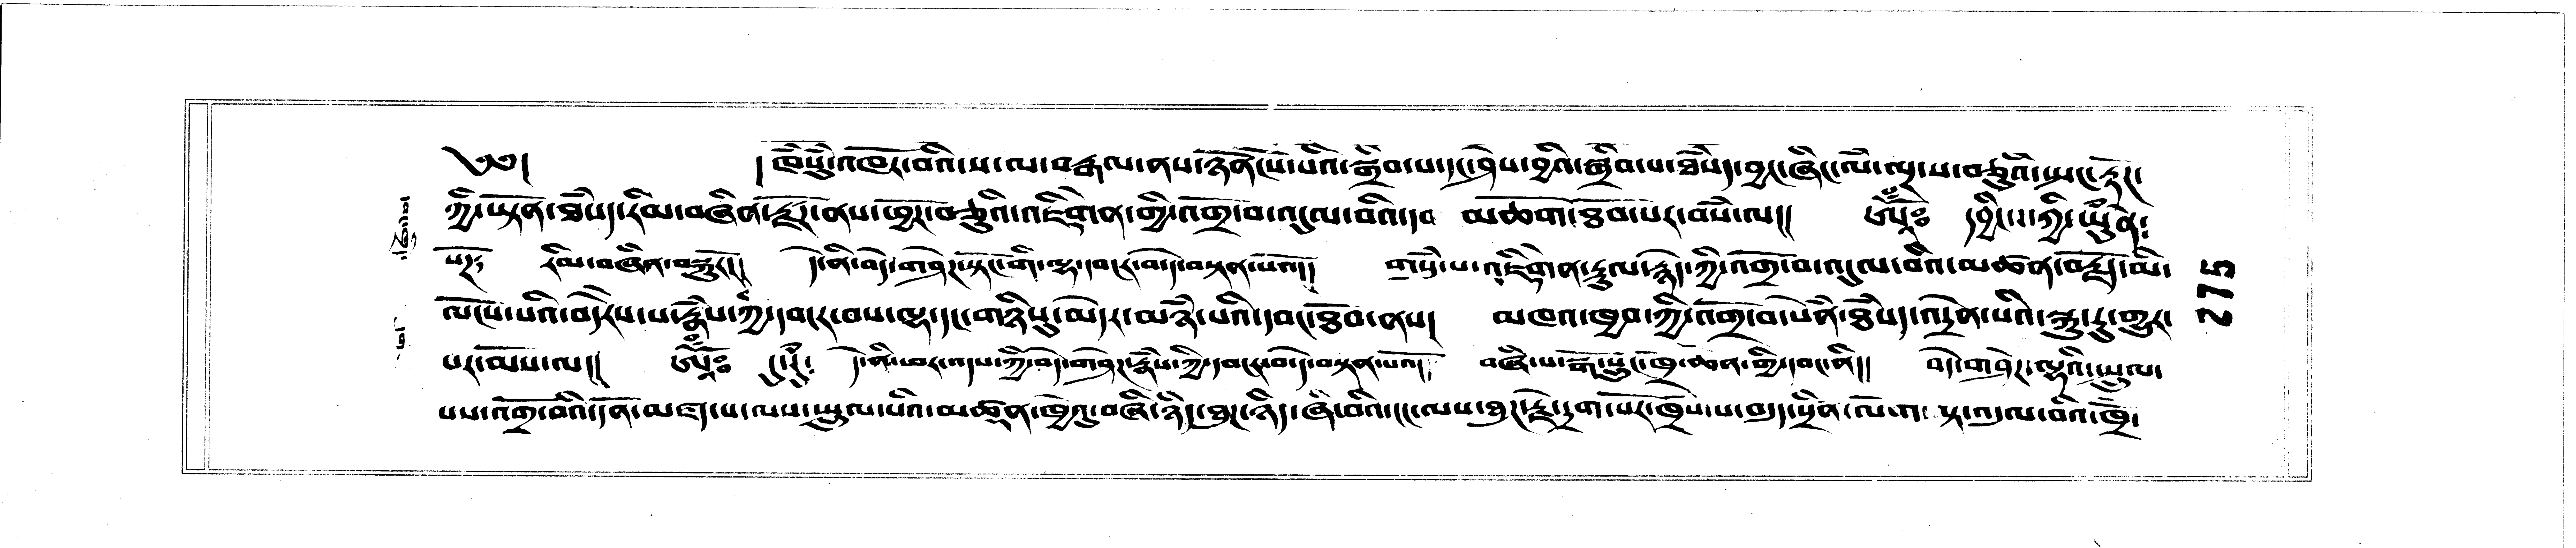ཁམས་གསུམ་འཁོར་བའི་ས་ལས་བརྒལ་ནས་ཉོན་མོངས་པའི་སྒྲིབ་པ་དང་ཤེས་བྱའི་སྒྲིབ་པ་ཐམས་ཅད་བྱང་ཞིང་ལམ་ལྔ་ས་བཅུའི་སྤངས་རྟོགས་
ཀྱི་ཡོན་ཏན་ཐམས་ཅད་རིམ་བཞིན་རྫོགས་ནས་ཕྱོགས་བཅུའི་འཇིག་རྟེན་གྱི་འགྲོ་བ་འདུལ་བའི་དབང་མཆོག་ཐོིབ་པར་བསམ་ལ། ཨཱོྃ་དབྱིངས་ཀྱི་ཡུམ་ཆེན།
 སོགས། རིམ་བཞིན་བསྐུར་རོ། དེ་ནི་བདེར་གཤེགས་སྟོང་གི་ལྷ་དབང་བསྐུར་བ་དེ་བསྟན་པའོ། གསུམ་པ་འཇིག་རྟེན་རྡུལ་རྙེད་ཀྱི་འགྲོ་བ་འདུལ་བའི་མཚན་བརྗོད་མི་
ལངས་ཀྱི་བདེ་བར་གཤེགས་པ་རྣམས་ཀྱི་དབང་བསྐུར་བས་ལྷ་དང་གཉིས་སུ་མེད་པར་མཉམ་པའི་དབང་ཐོབ་ནས་མཁའ་ཁྱབ་ཀྱི་འགྲོ་བ་སེམས་ཅན་ཐམས་ཅད་འདྲེན་པའི་སྐུ་རུ་གྱུར་
པར་མོས་ལ། ཨཱོྃཿ དུས་གསུམ༑ དེ་ནི་ཕར་འདས་ཀྱི་བདེར་གཤེགས་རྣམས་ཀྱི་དབང་བསྐུར་བ་དེ་བསྟན་པའོ། བཞི་པ་སྒོ་སྲུང་ཁྲོ་ཆེན་གྱི་དབང་ནི། བདེར་གཤེགས་ལྷ་ཡི་སྤྲུལ་
པས་འགྲོ་བའི་དོན་མཛད་པ་ལས། སྤྲུལ་པའི་མཚན་ལྡན་ཁྱེའུ་བཞི་ཉིད་ཐུགས་ཉིད་ཞི་བའི་ངང་ལས་ཐུགས་རྗེ་དྲག་པོར་ཁྲོས་པ་བདུད་སྲིན་ལོག་ལྟ་འདུལ་བའི་ཁྲོ་བོ་